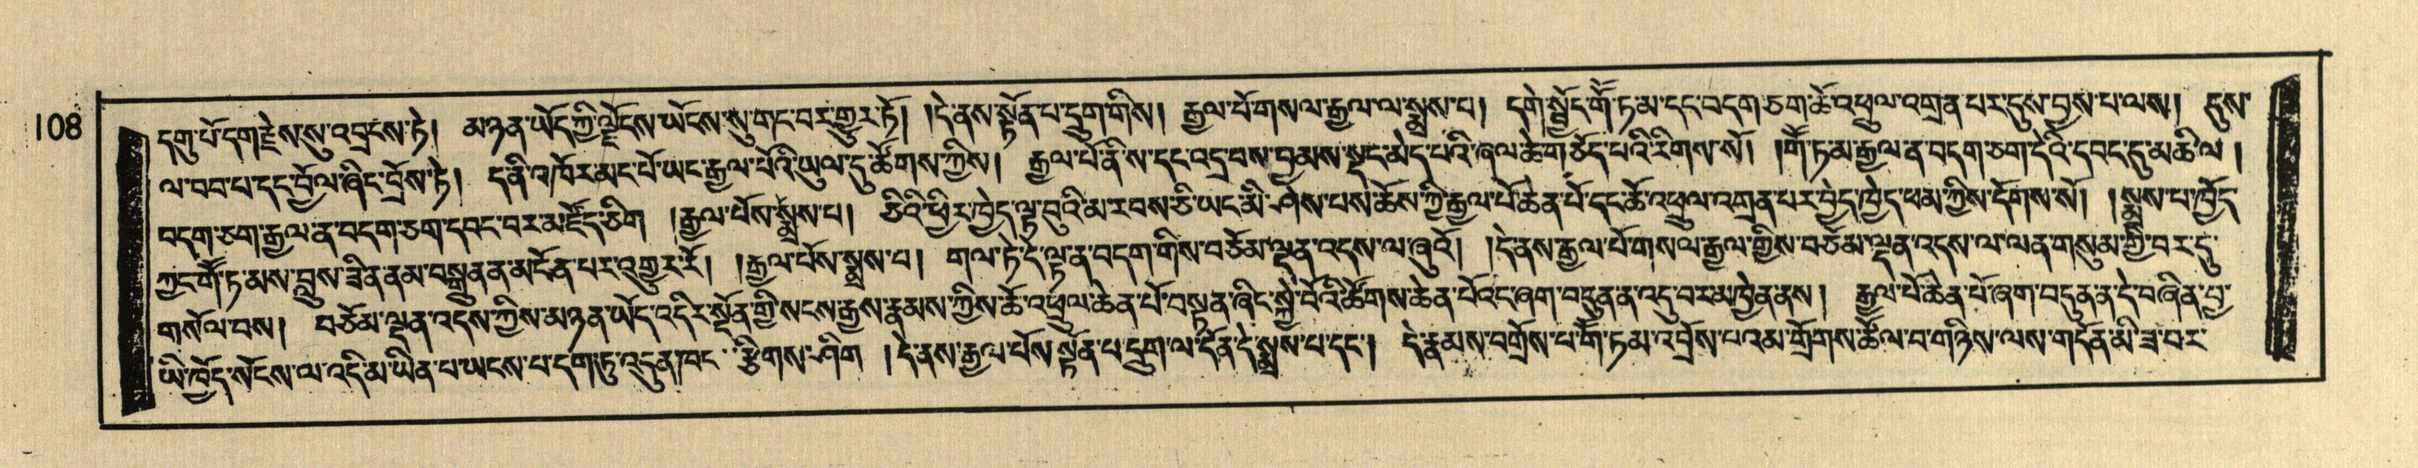དགུ་པོ་དག་རྗེས་སུ་འབྲངས་ཏེ། མཉན་ཡོད་ཀྱི་ལྗོངས་ཡོངས་སུ་གང་བར་གྱུར་ཏོ། །དེ་ནས་སྟོན་པ་དྲུག་གིས། རྒྱལ་པོ་གསལ་རྒྱལ་ལ་སྨྲས་པ། དགེ་སྦྱོད་གཽ་ཏ་མ་དང་བདག་ཅག་ཆོ་འཕྲུལ་འགྲན་པར་དུས་བྱས་པ་ལས། དུས་
ལ་བབ་པ་དང་བྱོལ་ཞིང་བྲོས་ཏེ། ད་ནི་འཁོར་མང་པོ་ཡང་རྒྱལ་པོའི་ཡུལ་དུ་ཚོགས་ཀྱིས། རྒྱལ་པོ་ནི་ས་དང་འདྲ་བས་བྱམས་སྡང་མེད་པའི་ཞལ་ཆེ་གཅོད་པའི་རིགས་སོ། །གཽ་ཏ་མ་རྒྱལ་ན་བདག་ཅག་དེའི་དབང་དུ་མཆིལ།
བདག་ཅག་རྒྱལ་ན་བདག་ཅག་དབང་བར་མཛོད་ཅིག །རྒྱལ་པོས་སྨྲོས་པ། ཅིའི་ཕྱིར་ཁྱེད་ལྟ་བུའི་མ་རབས་ཅི་ཡང་མི་ཤེས་པས་ཆོས་ཀྱི་རྒྱལ་པོ་ཆེན་པོ་དང་ཆོ་འཕྲུལ་འགྲན་པར་བྱེད་ཁྱེད་ཕམ་ཀྱིས་དོགས་སོ། །སྨྲས་པ་ཁྱོད་
ཀྱང་གཽ་ཏ་མས་བླུས་ཟིན་ནམ་བསྒྲུན་ན་མངོན་པར་འགྱུར་རོ། །རྒྱལ་པོས་སྨྲས་པ། གལ་ཏེ་དེ་ལྟ་ན་བདག་གིས་བཅོམ་ལྡན་འདས་ལ་ཞུའོ། །དེ་ནས་རྒྱལ་པོ་གསལ་རྒྱལ་གྱིས་བཅོམ་ལྡན་འདས་ལ་ལན་གསུམ་གྱི་བར་དུ་
གསོལ་བས། བཅོམ་ལྡན་འདས་ཀྱིས་མཉན་ཡོད་འདིར་སྔོན་གྱི་སངས་རྒྱས་རྣམས་ཀྱིས་ཆོ་འཕྲུལ་ཆེན་པོ་བསྟན་ཞིང་སྐྱེ་བོའི་ཚོགས་ཆེན་པོའང་ཞག་བདུན་ན་འདུ་བར་མཁྱེན་ནས། རྒྱལ་པོ་ཆེན་པོ་ཞག་བདུན་ན་དེ་བཞིན་བྱ་
ཡི་ཁྱོད་སོངས་ལ་འདི་མ་ཡིན་པ་ཡངས་པ་དག་ཏུ་འདུན་ཁང་རྩིགས་ཤིག །དེ་ནས་རྒྱལ་པོས་སྟོན་པ་དྲུག་ལ་དོན་དེ་སྨྲས་པ་དང་། དེ་རྣམས་བགྲོས་པ་གཽ་ཏམ་འབྲོས་པའམ་གྲོགས་ཚོལ་བ་གཉིས་ལས་གདོན་མི་ཟ་བར་